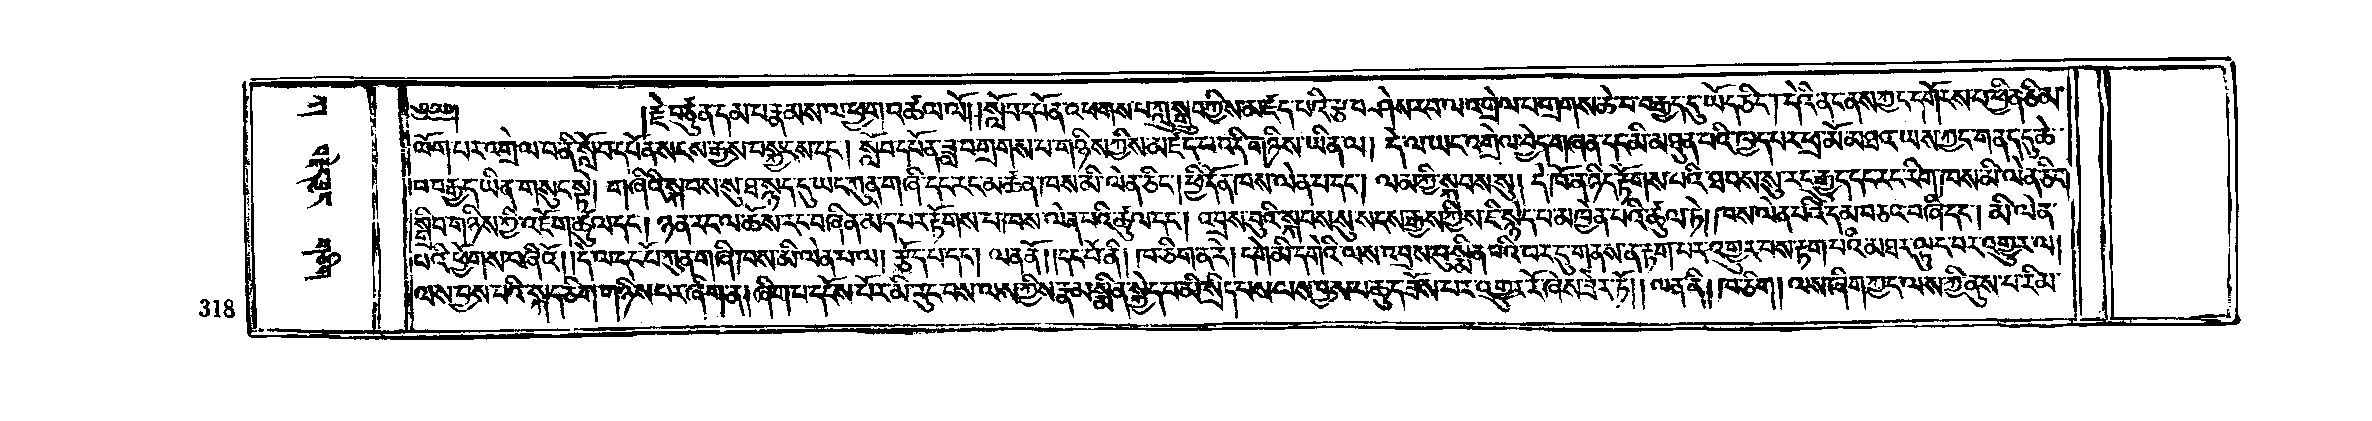༄༅༅། །རྗེ་བཙུན་དམ་པ་རྣམས་ལ་ཕྱག་འཚལ་ལོ། །སློབ་དཔོན་འཕགས་པ་ཀླུ་སྒྲུབ་ཀྱིས་མཛད་པའི་རྩ་བཤེས་རབ་ལ་འགྲེལ་པ་གྲགས་ཆེ་བ་བརྒྱད་དུ་ཡོད་ཅིང་། དེའི་ནང་ནས་ཀྱང་དགོངས་པ་ཕྱིན་ཅི་མ་
ལོག་པར་འགྲེལ་པ་ནི་སློབ་དཔོན་སངས་རྒྱས་བསྐྱངས་དང་། སློབ་དཔོན་ཟླ་བ་གྲགས་པ་གཉིས་ཀྱིས་མཛད་པ་འདི་གཉིས་ཡིན་ལ། དེ་ལ་ཡང་འགྲེལ་བྱེད་གཞན་དང་མི་མཐུན་པའི་ཁྱད་པར་ཕྲ་མོ་མཐའ་ཡས་ཀྱང་གནད་དུ་ཆེ་
བ་བརྒྱད་ཡིན་གསུང་སྟེ། གཞིའི་སྐབས་སུ་ཐ་སྙད་དུ་ཡང་ཀུན་གཞི་དང་རང་མཚན་ཁས་མི་ལེན་ཅིང་། ཕྱི་དོན་ཁས་ལེན་པ་དང་། ལམ་གྱི་སྐབས་སུ། དེ་ཁོ་ན་ཉིད་རྟོགས་པའི་ཐབས་སུ་རང་རྒྱུད་དང་རང་རིག་ཁས་མི་ལེན་ཅིང་།
སྒྲིབ་གཉིས་ཀྱི་འཇོག་ཚུལ་དང་། ཉན་རང་ལ་ཆོས་རང་བཞིན་མེད་པར་རྟོགས་པ་ཁས་ལེན་པའི་ཚུལ་དང་། འབྲས་བུའི་སྐབས་སུ་སངས་རྒྱས་ཀྱིས་ཇི་སྙེད་པ་མཁྱེན་པའི་ཚུལ་ཏེ། ཁས་ལེན་པའི་དམ་བཅའ་བཞི་དང་། མི་ལེན་
པའི་ཕྱོགས་བཞིའོ། །དེ་ལ་དང་པོ་ཀུན་གཞི་ཁས་མི་ལེན་པ་ལ། རྩོད་པ་དང་། ལན་ནོ། །དང་པོ་ནི། ཁ་ཅིག་ན་རེ། དགེ་མི་དགེའི་ལས་འབྲས་བུ་སྨིན་པའི་བར་དུ་གནས་ན་རྟག་པར་འགྱུར་བས་རྟག་པའི་མཐར་ལྟུང་བར་འགྱུར་ལ།
ལས་བྱས་པའི་སྐད་ཅིག་གཉིས་པར་ཞིག་ན། ཞིག་པ་དངོས་པོར་མི་རུང་བས་ལས་ཀྱིས་རྣམ་སྨིན་སྐྱེད་པ་མི་སྲིད་པས་ལས་བྱས་པ་ཆུད་ཟོས་པར་འགྱུར་རོ་ཞེས་ཟེར་ཏོ། །ལན་ནི། ཁ་ཅིག །ལས་ཞིག་ཀྱང་ལས་ཀྱི་ནུས་པ་རིམ་